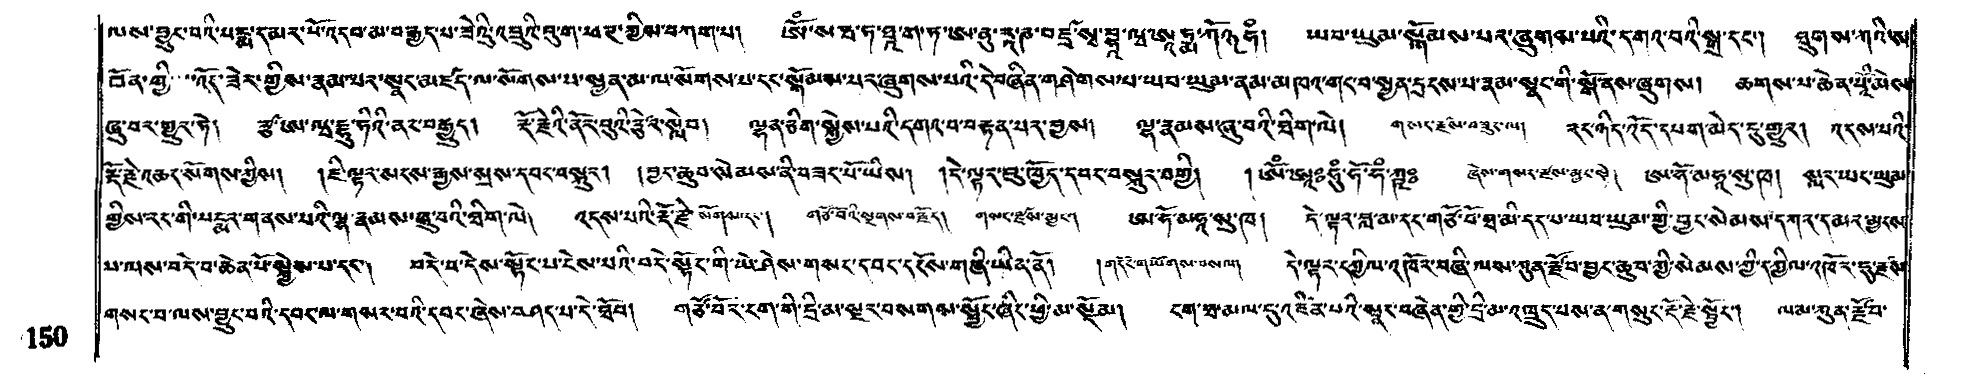ལས་བྱུང་བའི་པདམ་དམར་པོ་འདབ་མ་བརྒྱད་པ་ཟེའུ་འབྲུའི་བུ་ག་ཕཊ་ཀྱིས་བཀག་པ། ཨོཾ་སརྦ་ཏ་ཐཱ་ག་ཏ་ཨ་ནུ་རཱ་ཎ་བཛྲ་སྭ་བྷཱ་ཝ་ཨཱཏྨ་ཀོཉཧཾ། ཡབ་ཡུམ་སྙོམས་པར་ཞུགས་པའི་དགའ་བའི་སྒྲ་དང་། ཐུགས་ཀའི་ས་
བོན་གྱི་འོད་ཟེར་གྱིས་རྣམ་པར་སྣང་མཛད་ལ་སོགས་པ་སྤྱན་མ་ལ་སོགས་པ་དང་སྙོམས་པར་ཞུགས་པའི་དེ་བཞིན་གཤེགས་པ་ཡབ་ཡུམ་ནམ་མཁའ་གང་བ་སྤྱན་དྲངས་པ་རྣམ་སྣང་གི་སྒོ་ནས་ཞུགས། ཆགས་པ་ཆེན་པO་མེས་
ཞུ་བར་གྱུར་ཏེ། རྩ་ཨ་ཝ་དྷུ་ཏིའི་ནང་བརྒྱུད། རྡོ་རྗེའི་ནོར་བུའི་རྩེར་སླེབ། ལྷན་ཅིག་སྐྱེས་པའི་དགའ་བ་བརྟན་པར་བྱས། ལྷ་རྣམས་ཞུ་བའི་ཐིག་ལེ། གསང་རྫས་བཟུང་ལ།  རང་ཉིད་འོད་དཔག་མེད་དུ་གྱུར། འདས་པའི་
རྡོ་རྗེ་འཆང་སོགས་ཀྱིས། །ཇི་ལྟར་སངས་རྒྱས་སྲས་དབང་བསྐུར། །བྱང་ཆུབ་སེམས་ནི་བཟང་པོ་ཡིས། །དེ་ལྟར་བུ་ཁྱོད་དབང་བསྐུར་བགྱི། །ཨོཾ་ཨཱཿ ཧུཾ་ཧོ་ཧཾ་ཀྵཿ ཞེས་གསང་རྫས་མྱང་སྟེ།  ཨ་ཧོ་མཧཱ་སུ་ཁ། སླར་ཡང་ཡུམ་
གྱིས་རང་གི་པདམར་གནས་པའི་ལྷ་རྣམས་ཞུ་བའི་ཐིག་ལེ། འདས་པའི་རྡོ་རྗེ་སོགས་དང་། གཙོ་བོའི་སྔགས་བརྗོད། གསང་རྫས་མྱང་།  ཨ་ཧོ་མཧཱ་སུ་ཁ། དེ་ལྟར་བླ་མ་དང་གཙོ་བོ་ཐ་མི་དད་པ་ཡབ་ཡུམ་གྱི་བྱང་སེམས་དཀར་དམར་མྱངས་
པ་ལས་བདེ་བ་ཆེན་པོ་སྐྱེས་པ་དང་། བདེ་བ་དེས་སྟོང་པ་ངེས་པའི་བདེ་སྟོང་གི་ཡེ་ཤེས་གསང་དབང་དངོས་གཞི་ཡིན་ནོ། །གདོང་གཡོགས་བསལ།  དེ་ལྟར་དཀྱིལ་འཁོར་བཞི་ལས་ཀུན་རྫོབ་བྱང་ཆུབ་ཀྱི་སེམས་ཀྱི་དཀྱིལ་འཁོར་དུ་རྫས་
གསང་བ་ལས་བྱུང་བའི་དབང་ལ་གསང་བའི་དབང་ཞེས་བཤད་པ་དེ་ཐོབ། གཙོ་བོར་ངག་གི་དྲི་མ་སྔར་བསགས་སྦྱོང་ཞིང་ཕྱི་མ་སྡོམ། ངག་ཐ་མལ་དུ་འཛིན་པའི་སྣང་བཞིན་གྱི་དྲི་མ་འཁྲུད་པས་ན་གསུང་རྡོ་རྗེ་སྦྱོང་། ལམ་ཀུན་རྫོབ་